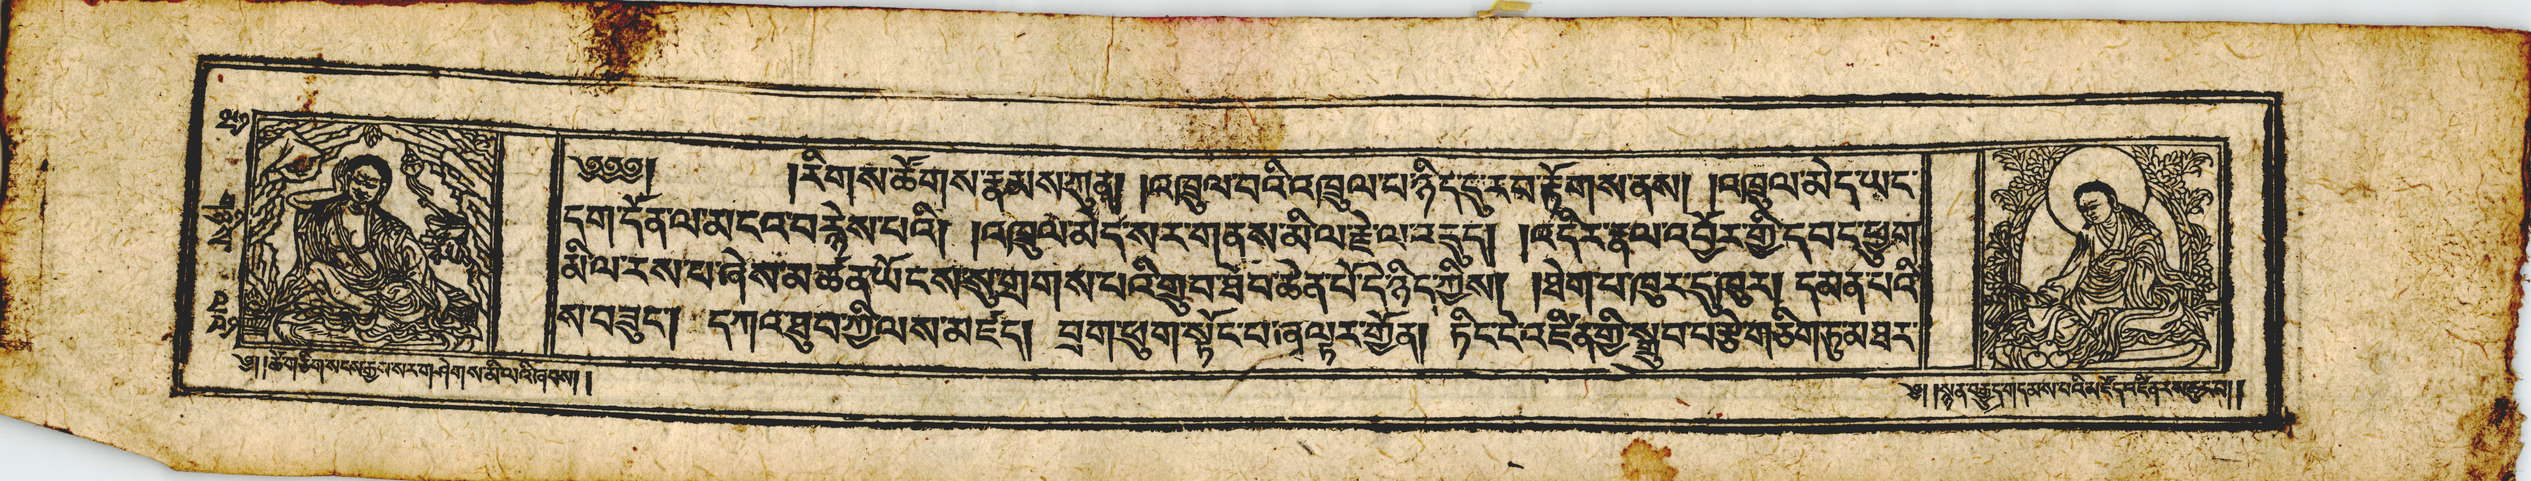རིགས་ཚོགས་རྣམས་ཀུན། །འཁྲུལ་བའི་འཁྲུལ་པ་ཉིད་དུ་རབ་རྟོགས་ནས། །འཁྲུལ་མེད་ཡང་
དག་དོན་ལ་མངའ་བརྙེས་པའི། །འཁྲུལ་མེད་སར་གནས་མི་ལ་རྗེ་ལ་འདུད། །འདིར་རྣལ་འབྱོར་གྱི་དབང་ཕྱུག་
མི་ལ་རས་པ་ཞེས་མཚན་ཡོངས་སུ་གྲགས་པའི་གྲུབ་ཐོབ་ཆེན་པོ་དེ་ཉིད་ཀྱིས། །ཐེག་པ་ཁུར་དུ་ཁུར། དམན་པའི་
ས་བཟུང་། དཀའ་ཐུབ་ཀྱི་ལས་མཛད། བྲག་ཕུག་སྟོང་པ་ཞྭ་ལྟར་གྱོན། ཏིང་ངེ་འཛིན་གྱི་སྒྲུབ་པ་བརྩེ་གཅིག་ཏུ་མཐར་